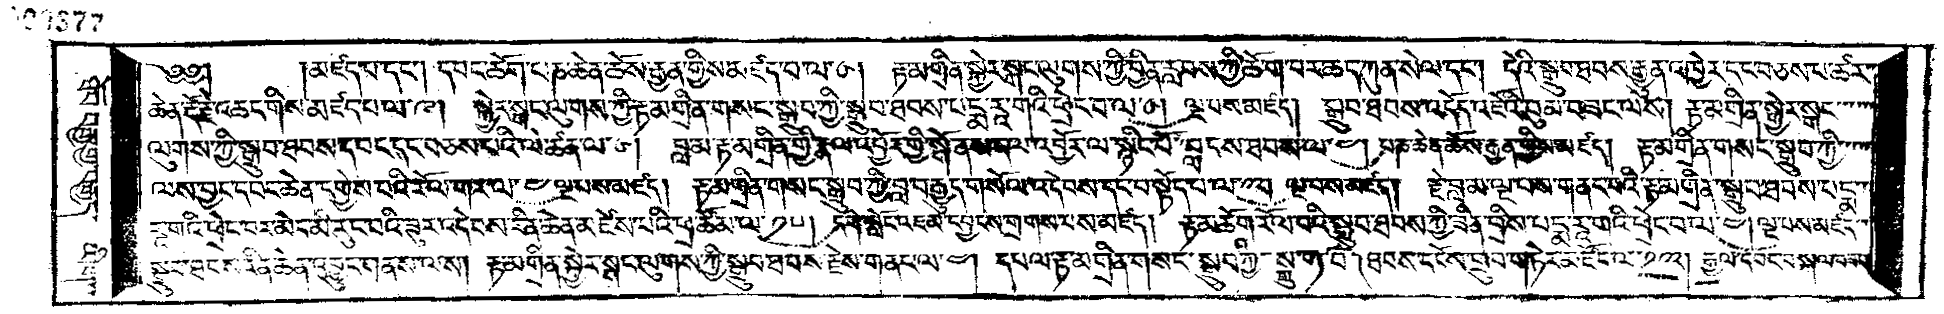༄༅། །མཛད་པ་དང་། དབང་ཆོག་པཎ་ཆེན་ཆོས་རྒྱན་གྱིས་མཛད་པ་ལ ༦། རྟ་མགྲིན་སྐྱེར་སྒང་ལུགས་ཀྱི་བྱིན་རླབས་ཀྱི་ཆོ་ག་བར་ཆད་ཀུན་སེལ་དང་། དེའི་སྒྲུབ་ཐབས་རྒྱུན་འཁྱེར་དང་བཅས་པ་ཚར་
ཆེན་རྡོ་རྗེ་འཆང་གིས་མཛད་པ་ལ ༩། སྐྱེར་སྒང་ལུགས་ཀྱི་རྟ་མགྲིན་གསང་སྒྲུབ་ཀྱི་སྒྲུབ་ཐབས་པདམ་རཱ་གའི་ཕྲེང་བ་ལ ༦། ལྔ་པས་མཛད། སྒྲུབ་ཐབས་འདོད་འཇོའི་བུམ་བཟང་ལས། རྟ་མགྲིན་སྒྱེར་སྒང་
ལུགས་ཀྱི་སྒྲུབ་ཐབས་དབང་དང་བཅས་པའི་ལེ་ཚན་ལ ༦། བླ་མ་རྟ་མགྲིན་གྱི་རྣལ་འབྱོར་གྱི་སྒོ་ནས་དལ་འབྱོར་ལ་སྙིང་པོ་བླངས་ཐབས་ལ ༤། པཎ་ཆེན་ཆོས་རྒྱན་གྱིས་མཛད།  རྟ་མགྲིན་གསང་སྒྲུབ་ཀྱི་
ལས་བྱང་དབང་ཆེན་དགྱེས་བའི་རོལ་གར་ལ ༤་ལྔ་པས་མཛད།  རྟ་མགྲིན་གསང་སྒྲུབ་ཀྱི་བླ་བརྒྱུད་གསོལ་འདེབས་དང་བསྟོད་པ་ལ ༣། ལྔ་པས་མཛད།  རྗེ་བླ་མ་ལྔ་པས་གནང་བའི་རྟ་མགྲིན་སྒྲུབ་ཐབས་པདམ་
རཱ་གའི་ཕྲེང་བར་མེད་མི་རུང་བའི་ཟུར་འདེབས་རིན་ཆེན་མཛེས་པའི་ཕྲ་ཚོམ་ལ ༡༥། དགེ་སློང་འཇམ་དབྱངས་གྲགས་པས་མཛད།  རྟ་མཆོག་རོལ་བའི་སྒྲུབ་ཐབས་ཀྱི་ཟིན་བྲིས་པདམ་རཱ་གའི་ཕྲེང་བ་ལ ༤། ལྔ་པས་མཛད་
སྒྲུབ་ཐབས་རིན་ཆེན་འབྱུང་གནས་ལས། རྟ་མགྲིན་སྒྱེར་སྒང་ལུགས་ཀྱི་སྒྲུབ་ཐབས་རྗེས་གནང་ལ ༤། དཔལ་རྟ་མགྲིན་གསང་སྒྲུབ་ཀྱི་སྒྲུབ ༼བ༽ ཐབས་དངོས་གྲུབ་གཏེར་མཛོད་ལ ༡༣། རྒྱལ་དབང་བསྐལ་བཟང་